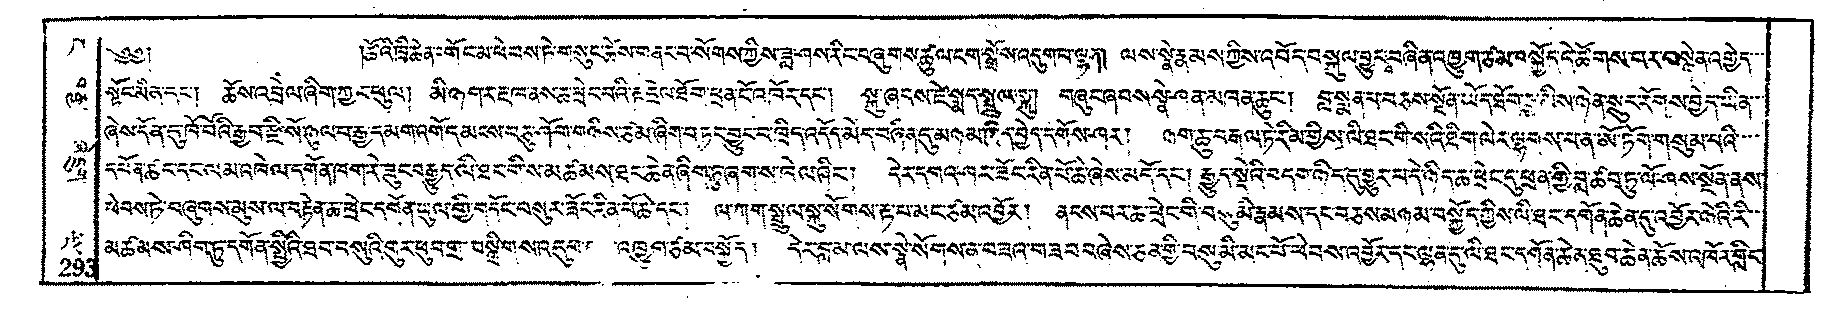༄༅། །ཚོའི་ཁྲི་ཆེན་༧གོང་མ་ཕེབས་ཏེ་གསུང་ཆོས་གནང་བ་སོགས་ཀྱིས་ཟླ་ཤས་རིང་བཞུགས་ཚུལ་ངག་སྒྲོས་འདུག་པ་ལྟར། ལས་སྣེ་རྣམས་ཀྱིས་འབོད་བསྐུལ་བྱུང་བ་བཞིན་འཁྱུག་ཙམ་བསྐྱོད་དེ་ཚོགས་པར་བསྙེན་འགྱེད་
སྟོང་མིན་དང་། ཆོས་འབྲེལ་ཞིག་ཀྱང་ཕུལ། མི་ཉག་ར་རྔ་ཁ་ནས་ཆ་ཕྲེང་བའི་རྟ་དྲེལ་ཐོག་ཕྲན་ངོ་འཁོར་དང་། སྐུ་ཞབས་ཛེ་སྨད་སྤྲུལ་སྐུ། གཞུང་ཞབས་སྣེ་ཤན་མཁན་ཆུང་། བླ་སྨན་པ་བཅས་སྔོན་ཡོད་ཐོག་རྒྱ་མིས་ཉེན་སྲུང་རོགས་བྱེད་ཡིན་
ཞེས་དོན་དུ་ཁོ་བོའི་རྒྱབ་རྫི་སོ་ཉུལ་བ་རྒྱ་དམག་འགོ་དམངས་བཅུ་ཤོག་གཉིས་ཙམ་ཞིག་བཏང་བྱུང་བ་ཁྲིད་འདོད་མེད་བཞིན་དུ་མཉམ་ཁྲིད་བྱེད་དགོས་ཤར། ཉག་ཆུ་བརྒལ་ཏེ་རིམ་གྱིས་ལི་ཐང་གི་སའི་ཐིག་ལེར་ལྷགས་པ་ན་ཨོ་ཏོག་གསུམ་པའི་
དཔོན་ཚང་དང་ལམ་འཁེལ་དགོན་ཁག་རེ་ཟུང་བརྒྱུད་ལི་ཐང་གི་ས་མཚམས་ཐང་ཆེན་ཞིག་ཏུ་ཞག་ས་ཁེལ་ཞིང་། དེར་དགའ་ཤར་ཟོང་རིན་པོ་ཆེ་ཞེས་མདོ་དང་། རྒྱུད་སྡེའི་བདག་ཉིད་དུ་གྱུར་པ་དེ་ཉིད་ཆ་ཕྲེང་དུ་ཕྲན་གྱི་བླ་ཚབ་ཏུ་ལོ་ཤས་སྔོན་ནས་
ཕེབས་ཏེ་བཞུགས་མུས་ལ་བརྟེན་ཆ་ཕྲེང་དགོན་ཡུལ་གྱི་གདོང་བསུར་ཟོང་རིན་པོ་ཆེ་དང་། ལ་ཀག་སྤྲུལ་སྐུ་སོགས་རྟ་པ་མང་ཙམ་འབྱོར། ནངས་པར་ཆ་ཕྲེང་གི་བསུ་མི་རྣམས་དང་བཅས་མཉམ་བསྐྱོད་ཀྱིས་ལི་ཐང་དགོན་ཆེན་དུ་འབྱོར་ཉེའི་རི་
མཚམས་ཤིག་ཏུ་དགོན་སྤྱིའི་ཐབ་བསུའི་གུར་ཕུབ་གྲ་བསྒྲིགས་འདུག་པར་འཁྱུག་ཙམ་བསྐྱོད། དེར་བླ་མ་ལས་སྣེ་སོགས་ན་བཟའ་གཟབ་བཞེས་ཅན་གྱི་བསུ་མི་མང་པོ་ཕེབས་འབྱོར་དང་ལྷན་དུ་ལི་ཐང་དགོན་ཆེན་ཐུབ་ཆེན་ཆོས་འཁོར་གླིང་